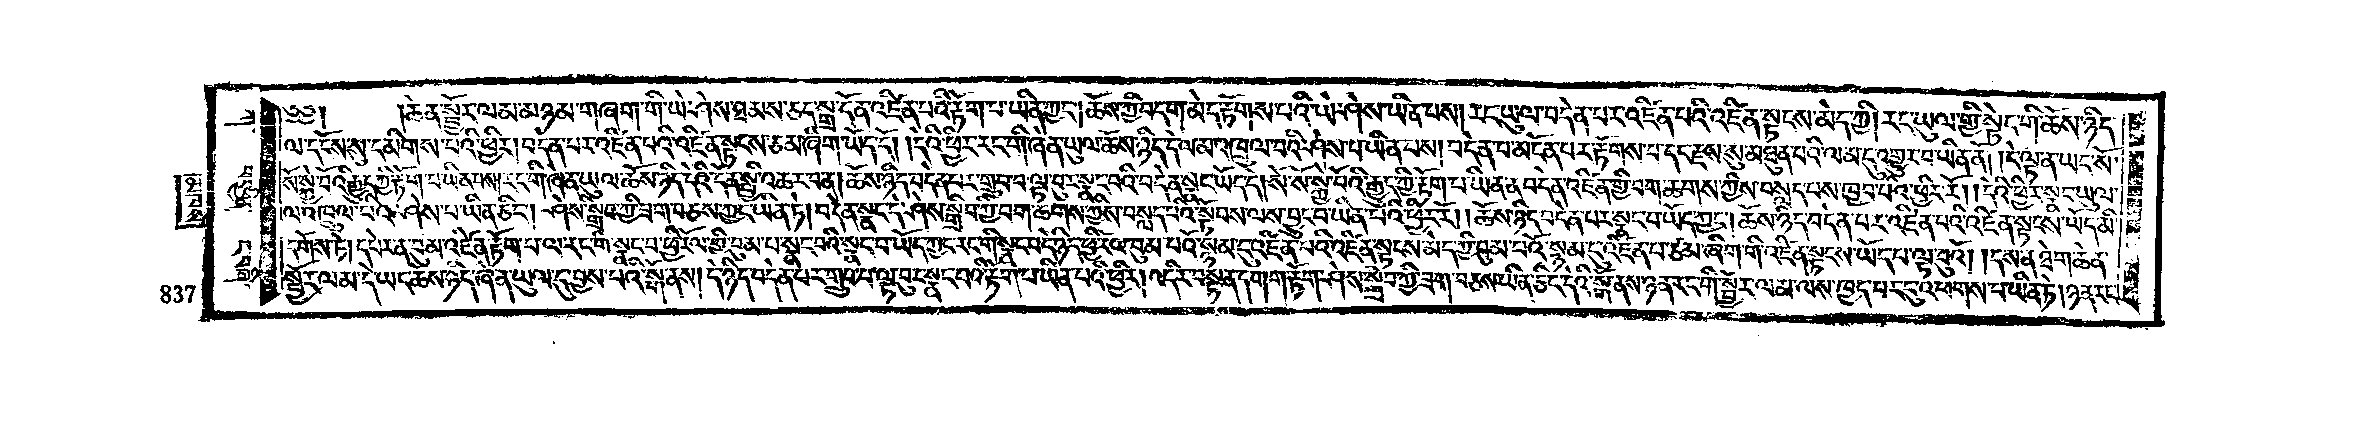༄༅། །ཆེན་སྦྱོར་ལམ་མཉམ་གཞག་གི་ཡེ་ཤེས་ཐམས་ཅད་སྒྲ་དོན་འཛིན་པའི་རྟོག་པ་ཡིན་ཀྱང་། ཆོས་ཀྱི་བདག་མེད་རྟོགས་པའི་ཡེ་ཤེས་ཡིན་པས། རང་ཡུལ་བདེན་པར་འཛིན་པའི་འཛིན་སྟངས་མེད་ཀྱི། རང་ཡུལ་གྱི་སྟེང་གི་ཆོས་ཉིད་
ལ་དངོས་སུ་དམིགས་པའི་ཕྱིར། བདེན་པར་འཛིན་པའི་འཛིན་སྟངས་ཙམ་ཞིག་ཡོད་དོ། །དེའི་ཕྱིར་རང་གི་ཞེན་ཡུལ་ཆོས་ཉིད་དེ་ལ་མ་འཁྲུལ་པའི་ཤེས་པ་ཡིན་པས། བདེན་པ་མངོན་པར་རྟོགས་པ་དང་རྗེས་སུ་མཐུན་པའི་ལམ་དུ་འགྱུར་བ་ཡིན་ནོ། །དེ་ལྟ་ན་ཡང་སོ་
སོ་སྐྱེ་བོའི་རྒྱུད་ཀྱི་རྟོག་པ་ཡིན་པས། རང་གི་ཞེན་ཡུལ་ཆོས་ཉིད་དེའི་དོན་སྤྱི་འཆར་བ་ན། ཆོས་ཉིད་བདེན་པར་གྲུབ་བ་ལྟ་བུར་སྣང་བའི་བདེན་སྣང་ཡོད་དེ། སོ་སོ་སྐྱེ་བོའི་རྒྱུད་ཀྱི་རྟོག་པ་ཡིན་ན་བདེན་འཛིན་གྱི་བག་ཆགས་ཀྱིས་བསླད་པས་ཁྱབ་པའི་ཕྱིར་རོ། །དེའི་ཕྱིར་སྣང་ཡུལ་
ལ་འཁྲུལ་པའི་ཤེས་པ་ཡིན་ཅིང་། ཤེས་སྒྲིབ་ཀྱི་ཟག་བཅས་ཀྱང་ཡིན་ཏེ། བདེན་སྣང་དེ་ཤེས་སྒྲིབ་ཀྱི་བག་ཆགས་ཀྱིས་བསླད་པའི་སྟོབས་ལས་བྱུང་བ་ཡིན་པའི་ཕྱིར་རོ། །ཆོས་ཉིད་བདེན་པར་སྣང་བ་ཡོད་ཀྱང་། ཆོས་ཉིད་བདེན་པར་འཛིན་པའི་འཛིན་སྟངས་ཡོད་མི་
དགོས་ཏེ། དཔེར་ན་བུམ་འཛིན་རྟོག་པ་ལ་རང་གི་སྣང་བ་ཕྱི་རོལ་གྱི་བུམ་པ་སྣང་བའི་སྣང་བ་ཡོད་ཀྱང་རང་གི་སྣང་བ་དེ་ཉིད་ཕྱི་རོལ་བུམ་པའོ་སྙམ་དུ་འཛིན་པའི་འཛིན་སྟངས་མེད་ཀྱི་བུམ་པའོ་སྙམ་དུ་འཛིན་པ་ཙམ་ཞིག་གི་འཛིན་སྟངས་ཡོད་པ་ལྟ་བུའོ། །དེས་ན་ཐེག་ཆེན་
སྦྱོར་ལམ་དེ་ཡང་ཆོས་ཉིད་ཞེན་ཡུལ་དུ་བྱས་པའི་སྒོ་ནས། དེ་ཉིད་བདེན་པར་གྲུབ་པ་ལྟ་བུར་སྣང་བའི་རྟོག་པ་ཡིན་པའི་ཕྱིར། འདིར་བསྟན་དགག་རྟོག་ཤེས་སྒྲིབ་ཀྱི་ཟག་བཅས་ཡིན་ཅིང་དེའི་སྒོ་ནས་ཉན་རང་གི་སྦྱོར་ལམ་ལས་ཁྱད་པར་དུ་འཕགས་པ་ཡིན་ཏེ། ཉན་རང་